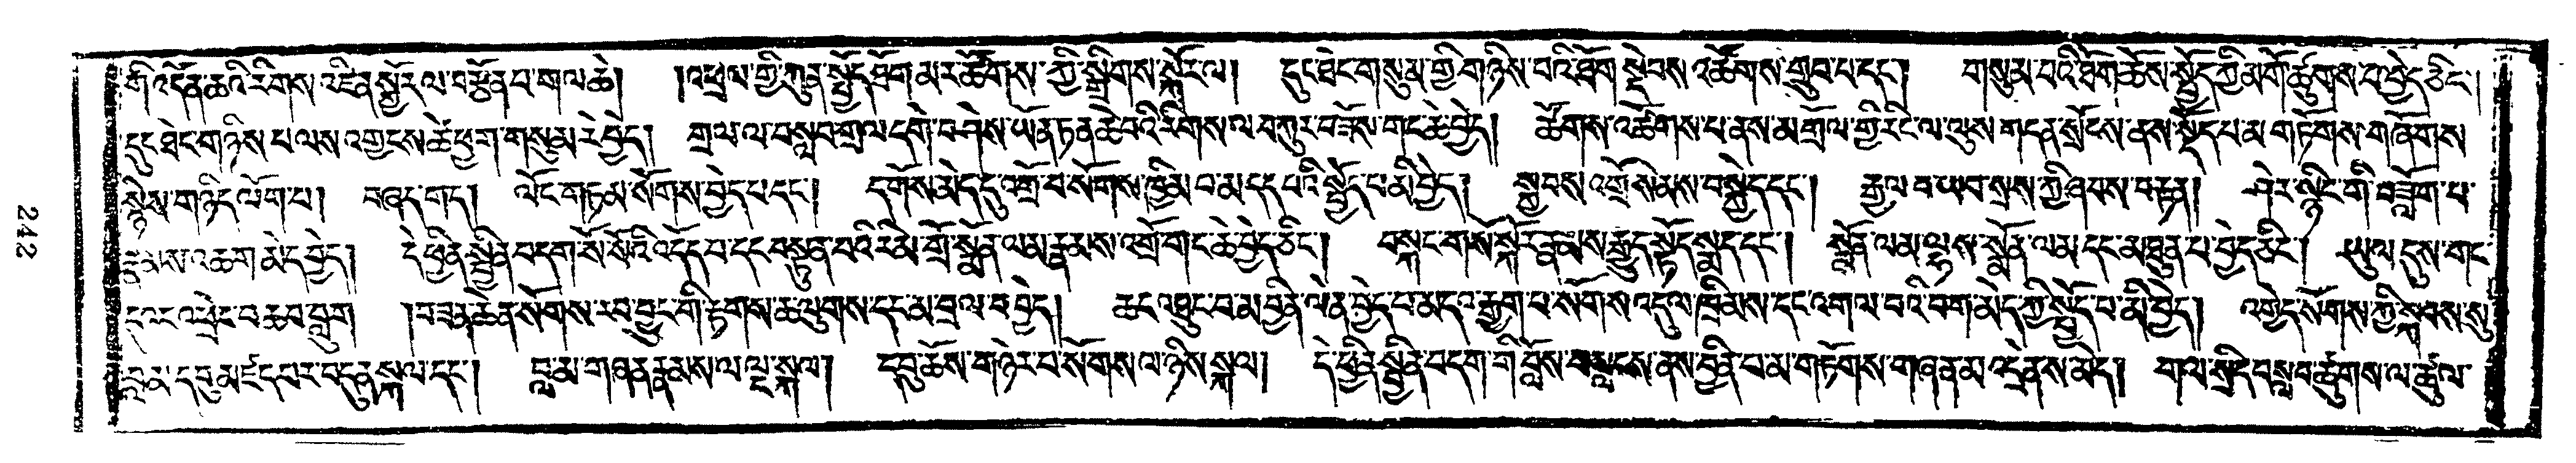གི་འདོན་ཆའི་རིགས་འཛིན་སྐྱོར་ལ་བརྩོན་པ་གལ་ཆེ། །འཕྲལ་གྱི་ཀུན་སྤྱོད་ཐོག་མར་ཚོགས་ཀྱི་སྒྲིགས་སྐོར་ལ། དུང་ཐེང་གསུམ་གྱི་གཉིས་བའི་ཐོག་སྡེབས་འཚོགས་གྲུབ་པ་དང་། གསུམ་བའི་ཐོག་ཆོས་སྤྱོད་ཀྱི་མགོ་ཚུགས་པ་བྱེད་ཅིང་།
དུང་ཐེང་གཉིས་པ་ལས་འགྱངས་ཚེ་ཕྱག་གསུམ་རེ་བྱེད། གྲལ་ལ་བསླབ་གྲལ་དགེ་བཤེས་ཡོན་ཏན་ཆེ་བའི་རིགས་ལ་བཀུར་བཟོས་གང་ཆེ་བྱེད། ཚོགས་འཚོགས་པ་ནས་མགྲོལ་གྱི་རིང་ལ་ལུས་གདན་སྲོངས་ནས་སྡོད་པ་མ་གཏོགས་གཞོགས་
སྙེས་གཉིད་ལོག་པ། བཞད་གད། ལོང་གཏམ་སོགས་བྱེད་པ་དང་། དགོས་མེད་དུ་འགྲོ་བ་སོགས་ཁྱིམ་བ་མ་དད་པའི་སྤྱོད་པ་མི་བྱེད། སྐྱབས་འགྲོ་སེམས་བསྐྱེད་དང་། རྒྱལ་བ་ཡབ་སྲས་ཀྱི་ཞབས་བརྟན། ཤེར་སྙིང་གི་བཟློག་པ་
རྣམས་འཆག་མེད་བྱེད། དེ་ཕྱིན་སྦྱིན་བདག་སོ་སོའི་འདོད་པ་དང་བསྟུན་བའི་རིམ་གྲོ་སྨོན་ལམ་རྣམས་འགྲོ་གང་ཆེ་བྱེད་ཅིང་། བསྐང་གསོ་སྐོར་རྣམས་རྒྱུད་སྟོད་སྨད་དང་། སྨོན་ལམ་ལྷས་སྨོན་ལམ་དང་མཐུན་པ་བྱེད་ཅིང་། ཡུལ་དུས་གང་
དུའང་འཕྲེང་བ་ཆབ་བླུག །བཟན་ཆེན་སོགས་རབ་བྱུང་གི་རྟགས་ཆ་ལུགས་དང་མ་བྲལ་བ་བྱེད། ཆང་འཐུང་བ་མ་བྱིན་ལེན་བྱེད་པ་མདའ་རྒྱག་པ་སོགས་འདུལ་ཁྲིམས་དང་འགལ་བའི་བག་མེད་ཀྱི་སྤྱོད་པ་མི་བྱེད། འགྱེད་སོགས་ཀྱི་སྐབས་སུ་
བླ་མ་དབུ་མཛད་པར་བདུན་སྐལ་དང་། བླ་མ་གཞན་རྣམས་ལ་ལྔ་སྐལ། དབུ་ཆོས་གཉེར་བ་སོགས་ལ་ཉིས་སྐལ། དེ་ཕྱིན་སྦྱིན་བདག་གི་བློས་བསླངས་ནས་བྱིན་པ་མ་གཏོགས་གཞན་མ་འདྲེན་ས་མེད། གལ་སྲིད་བསླབ་ཚུགས་ལ་ཚུལ་